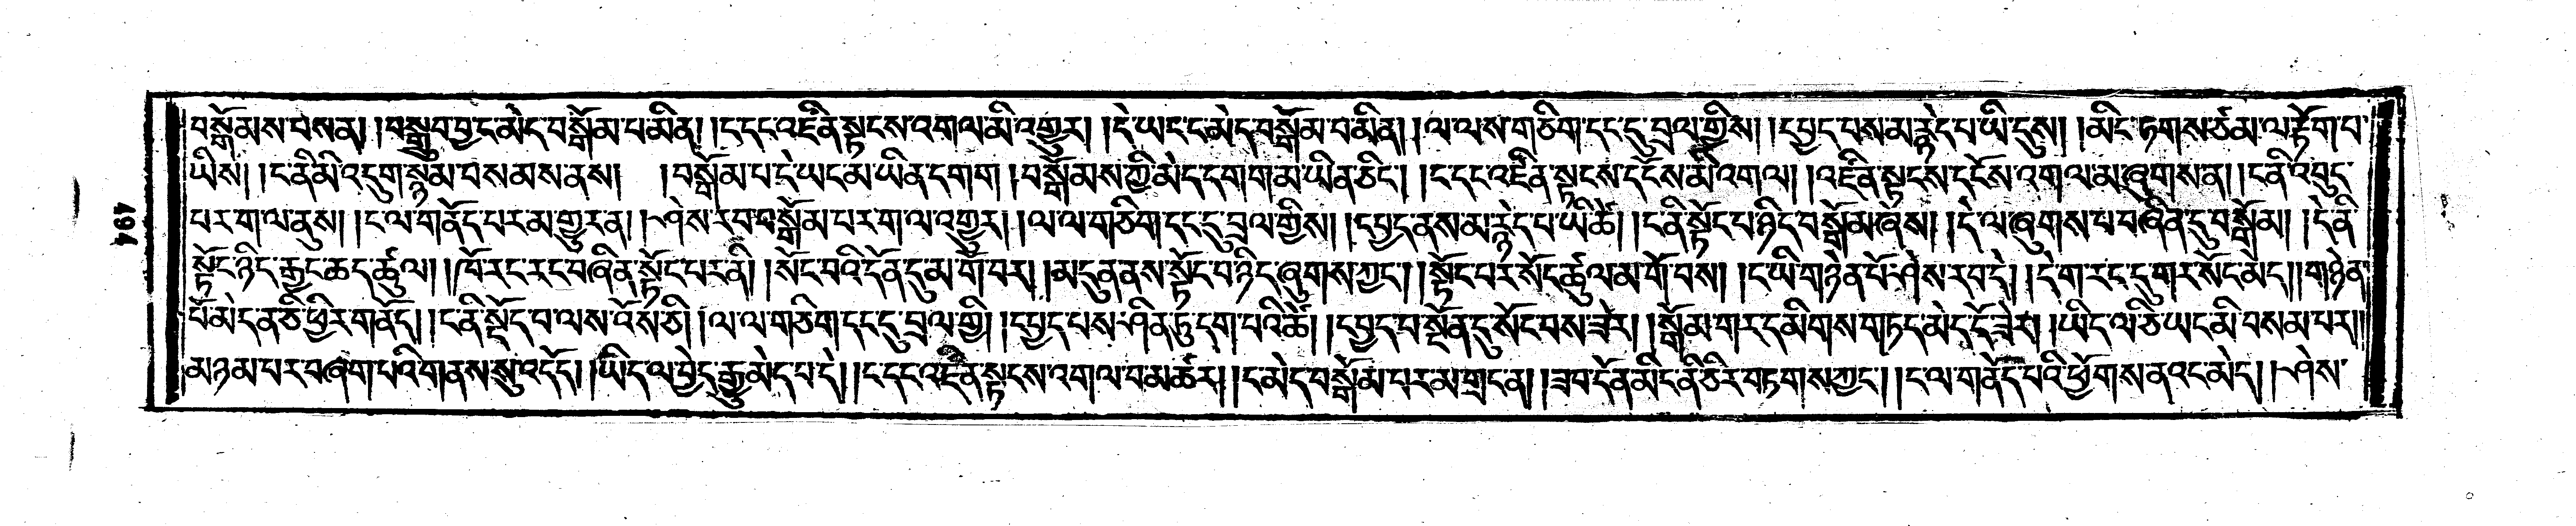བསྒོམས་པས་ན། །བསྒྲུབ་བྱ་ང་མེད་བསྒོམ་པ་མིན། །ང་དང་འཛིན་སྟངས་འགལ་མི་འགྱུར། །དེ་ཡང་ང་མེད་བསྒོམ་པ་མིན། །ལ་ལས་གཅིག་དང་དུ་བྲལ་གྱིས། །དཔྱད་པས་མ་རྙེད་པ་ཡི་དུས། །མིང་བཏགས་ཙམ་ལ་རྟོག་པ་
ཡིས། །ང་ནི་མི་འདུག་སྙམ་བསམས་ནས། །བསྒོམ་པ་དེ་ཡང་མ་ཡིན་དགག །བསྒོམས་ཀྱི་མེད་དགག་མ་ཡིན་ཅིང་། །ང་དང་འཛིན་སྟངས་དངོས་མི་འགལ། །འཛིན་སྟངས་དངོས་འགལ་མ་ཞུགས་ན། །ང་ནི་འབུད་
པར་ག་ལ་ནུས། །ང་ལ་གནོད་པར་མ་གྱུར་ན། །ཤེས་རབ་བསྒོམ་པར་ག་ལ་འགྱུར། །ལ་ལ་གཅིག་དང་དུ་བྲལ་གྱིས། །དཔྱད་ནས་མ་རྙེད་པ་ཡི་ཚེ། །ང་ནི་སྟོང་པ་ཉིད་བསྒོམ་ཞེས། །དེ་ལ་ཞུགས་པ་བཞིན་དུ་བསྒོམ། །དེ་ནི་
སྟོང་ཉིད་རྒྱང་ཆད་ཚུལ། །ཁོ་རང་རང་བཞིན་སྟོང་པར་ནི། །སོང་བའི་དོན་དུ་མ་གོ་བར། །མདུན་ནས་སྟོང་བ་ཉིད་ཞུགས་ཀྱང་། །སྟོང་པར་སོང་ཚུལ་མ་གོ་བས། །ང་ཡི་གཉེན་པོ་ཤེས་རབ་དེ། །དེ་ག་རང་དུ་གར་སོང་མེད། །གཉེན་
པོ་མེད་ན་ཅི་ཕྱིར་གནོད། །ང་ནི་སྡོད་པ་ལས་འོས་ཅི། །ལ་ལ་གཅིག་དང་དུ་བྲལ་གྱི། །དཔྱད་པས་ཤིན་ཏུ་དག་པའི་ཚེ། །དཔྱད་པ་སྔོན་དུ་སོང་བས་ཟེར། །སྒོམ་གར་དམིགས་གཏད་མེད་དོ་ཟེར། །ཡིད་ལ་ཅི་ཡང་མི་བསམ་པར། །
མཉམ་པར་བཞག་པའི་གནས་སུ་འདོད། །ཡིད་ལ་བྱེད་རྒྱུ་མེད་པ་དེ། །ང་དང་འཛིན་སྟངས་འགལ་བ་མཚར། །ང་མེད་བསྒོམ་པར་མ་གྲང་ན། །ཟབ་དོན་མི་ནི་ཅིར་བཏགས་ཀྱང་། །ང་ལ་གནོད་པའི་ཕྱོགས་ནའང་མེད། །ཤེས་